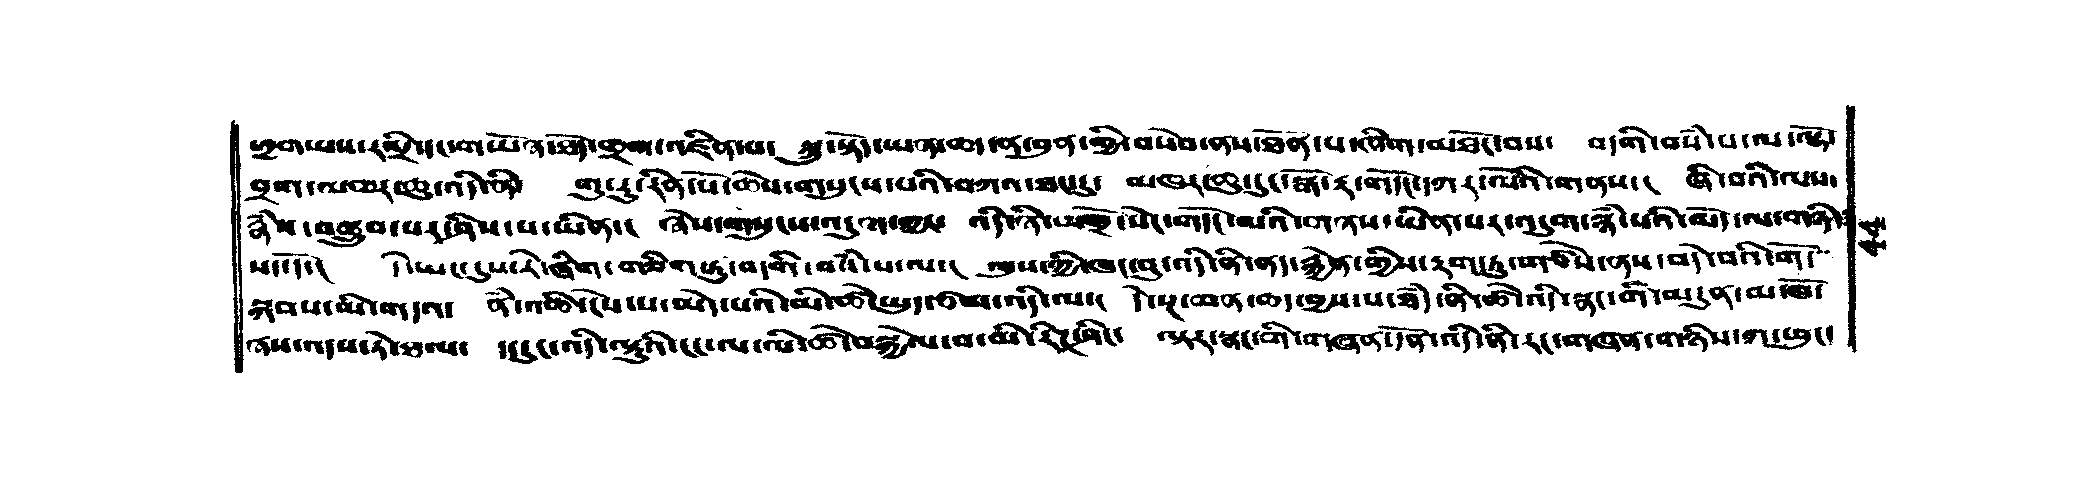ཕྱག་གཡས་རལ་གྲི་དང་གཡོན་ཐོད་ཁྲག་འཛིན་པ། སྐུ་སྟོད་ཡན་ཆད་ན་བུན་གྱི་བསེབ་ནས་ཐོན་པ་ཞིག་མཐོང་བས། བདག་གི་བསམ་པ་ལ་ལྷོ་
བྲག་མཁར་ཆུ་འདི་ནི། གུ་རུ་རིན་པོ་ཆེས་གསུངས་པའི་བཀའ་ཐང་དུ། མཁར་ཆུ་དུང་སྒོ་རྟ་གདོང་དཀར་མོའི་གནས། །ཞི་བའི་ལས་
རྣམས་བསྒྲུབ་པར་ཤིས་པ་ཡིན། ཞེས་གསུངས་འདུག་ཀྱང་། འདི་ནི་མཁའ་འགྲོ་སེང་གདོང་མའི་གནས་ཡིན་པར་འདུག་སྙམ་པའི་མོད་ལ་གཉིད་
སད་དོ། དེ་ཡང་དུས་རེ་ཞིག་ཏུ་བདག་གི་བསམ་པ་ལ། ལུས་ཀྱི་ཁང་བུ་འདི་ནི་ནད་རྐྱེན་གྱིས་རྟག་ཏུ་གཙེས་ནས་བདེ་བའི་གོ་
སྐབས་མི་གདའ། ནམ་འཆི་ངེས་པ་མེད་པའི་ཚེ་ཡུད་ཙམ་འདི་ལ། དེ་སྔ་ཡན་ཆད་བྱས་པ་ཐམས་ཅད་ནི་ཚེ་འདི་སྣང་གི་མདུན་མ་ཁོ་
ནས་འདས་ཏེ་ཐལ། ད་དུང་འདི་ལྟ་བུའི་ངང་ལ་མི་ཚེ་བསྐྱེལ་བ་མི་རིགས་ཤིང་། ལྟར་སྣང་གི་གཞན་དོན་འདི་ནི་རང་གཞན་གཉིས་ཀ་ཕུང་